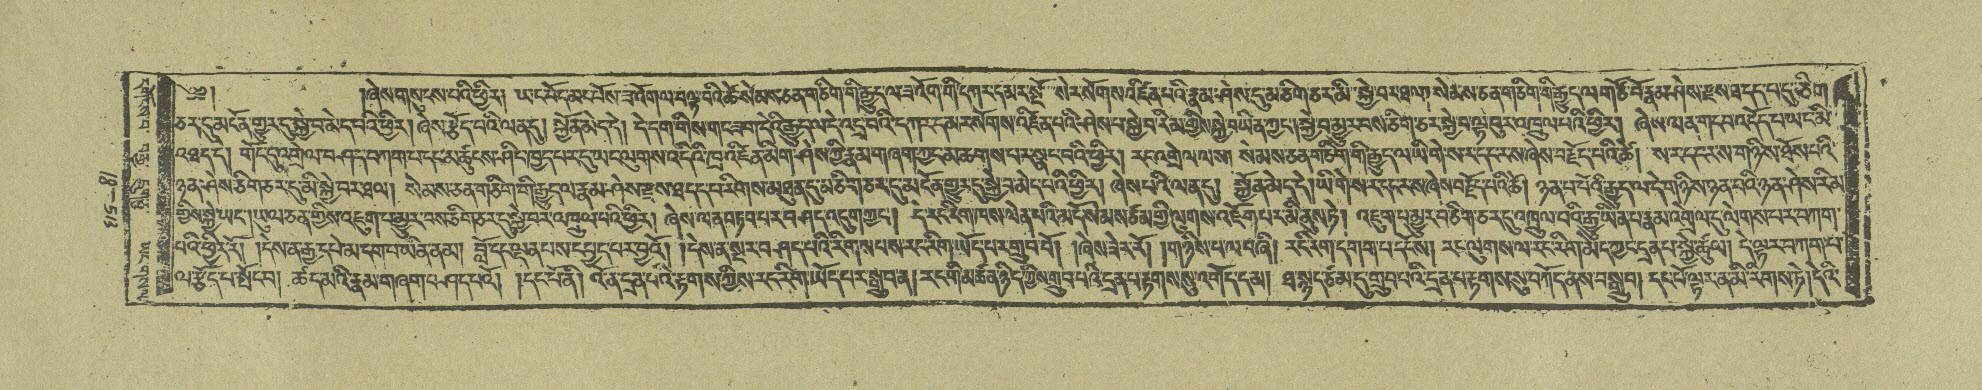༄༅། །ཞེས་གསུངས་པའི་ཕྱིར། ཡང་བོད་མང་པོས་ཟ་འོག་ལ་བལྟ་བའི་ཚེ་སེམས་ཅན་གཅིག་གི་རྒྱུད་ལ་ཟ་འོག་གི་དཀར་དམར་སྔོ་སེར་སོགས་འཛིན་པའི་རྣམ་ཤེས་དུ་མ་ཅིག་ཅར་མི་སྐྱེ་བར་ཐལ། སེམས་ཅན་གཅིག་གི་རྒྱུད་ལ་གཙོ་བོ་རྣམ་ཤེས་རྫས་ཐ་དད་པ་དུ་མ་ཅིག་
ཅར་དུ་མངོན་གྱུར་དུ་སྐྱེ་བ་མེད་པའི་ཕྱིར། ཞེས་རྩོད་པའི་ལན་དུ། སྐྱོན་མེད་དེ། དེ་དག་གིས་གང་ཟག་དེའི་རྒྱུད་ལ་དེ་འདྲ་བའི་དཀར་དམར་སོགས་འཛིན་པའི་ཤེས་པ་སྐྱེ་བ་རིམ་གྱིས་སྐྱེ་བ་ཡིན་ཀྱང་། སྐྱེ་བ་མྱུར་བས་ཅིག་ཅར་སྐྱེ་བ་ལྟ་བུར་འཁྲུལ་པའི་ཕྱིར། ཞེས་ལན་གང་པ་འདོད་པ་ཡང་མི་
འཐད་དེ། གོང་དུ་འགྲེལ་བཤད་བཀག་པ་དང་མཚུངས་ཤིང་ཁྱད་པར་དུ་ཡང་ལུགས་འདིའི་ཁྲ་འཛིན་མིག་ཤེས་ཀྱི་རྣམ་གཞག་ཀྱང་མ་ཆགས་པར་སྣང་བའི་ཕྱིར། རང་འགྲེལ་ལས། སེམས་ཅན་གཅིག་གི་རྒྱུད་ལ་ཡི་གེ་ས་ར་དང་རས་ཞེས་བརྗོད་པའི་ཚེ། ས་ར་དང་ར་ས་གཉིས་ཐོས་པའི་
ཉན་ཤེས་ཅིག་ཅར་དུ་མི་སྐྱེ་བར་ཐལ། སེམས་ཅན་གཅིག་གི་རྒྱུད་ལ་རྣམ་ཤེས་རྫས་ཐ་དད་པ་རིགས་མཐུན་དུ་མ་ཅིག་ཅར་དུ་མངོན་གྱུར་དུ་སྐྱེ་བ་མེད་པའི་ཕྱིར། ཞེས་པའི་ལན་དུ། སྐྱོན་མེད་དེ། ཡི་གེ་ས་ར་དང་ར་ས་ཞེས་བརྗོད་པའི་ཚེ། ཉན་པ་པོའི་རྒྱུད་ལ་དེ་གཉིས་ཉན་པའི་ཉན་ཤེས་རིམ་
གྱིས་སྐྱེ་ཡང་། ཡུལ་ཅན་གྱིས་འཇུག་པ་མྱུར་བས་ཅིག་ཅར་དུ་སྐྱེ་བར་འཁྲུལ་བའི་ཕྱིར། ཞེས་ལན་བཏབ་པར་བཤད་འདུག་ཀྱང་། དེ་རང་རིག་ཁས་ལེན་པའི་མདོ་སེམས་ཙམ་གྱི་ལུགས་འཇོག་པར་མི་ནུས་ཏེ། འཇུག་པ་མྱུར་བ་ཅིག་ཅར་དུ་འཁྲུལ་བའི་རྒྱུ་ཡིན་པ་རྣམ་འགྲེལ་དུ་ལེགས་པར་བཀག་
བའི་ཕྱིར་རོ། །དེས་ན་རྒྱ་དཔེ་མ་དག་པ་ཡིན་ནམ། བློ་དང་ལྡན་པས་དཔྱད་པར་བྱའོ། །དེས་ན་སྔར་བཤད་པའི་རིགས་པས་རང་རིག་ཡོད་པར་གྲུབ་བོ། །ཞེས་ཟེར་རོ། །གཉིས་པ་ལ་བཞི། རང་རིག་དགག་པ་དངོས། རང་ལུགས་ལ་རང་རིག་མེད་ཀྱང་དྲན་པ་སྐྱེ་ཚུལ། དེ་ལྟར་བཀག་པ་
ལ་རྩོད་པ་སྤོང་བ། ཚད་མའི་རྣམ་གཞག་བཤད་པའོ། །དང་པོ་ནི། འོ་ན་དྲན་པའི་རྟགས་ཀྱིས་རང་རིག་ཡོད་པར་སྒྲུབ་ན། རང་གི་མཚན་ཉིད་ཀྱིས་གྲུབ་པའི་དྲན་པ་རྟགས་སུ་འགོད་དམ། ཐ་སྙད་ཙམ་དུ་གྲུབ་པའི་དྲན་པ་རྟགས་སུ་བཀོད་ནས་བསྒྲུབ། དང་པོ་ལྟར་ན་མི་རིགས་ཏེ། དེའི་